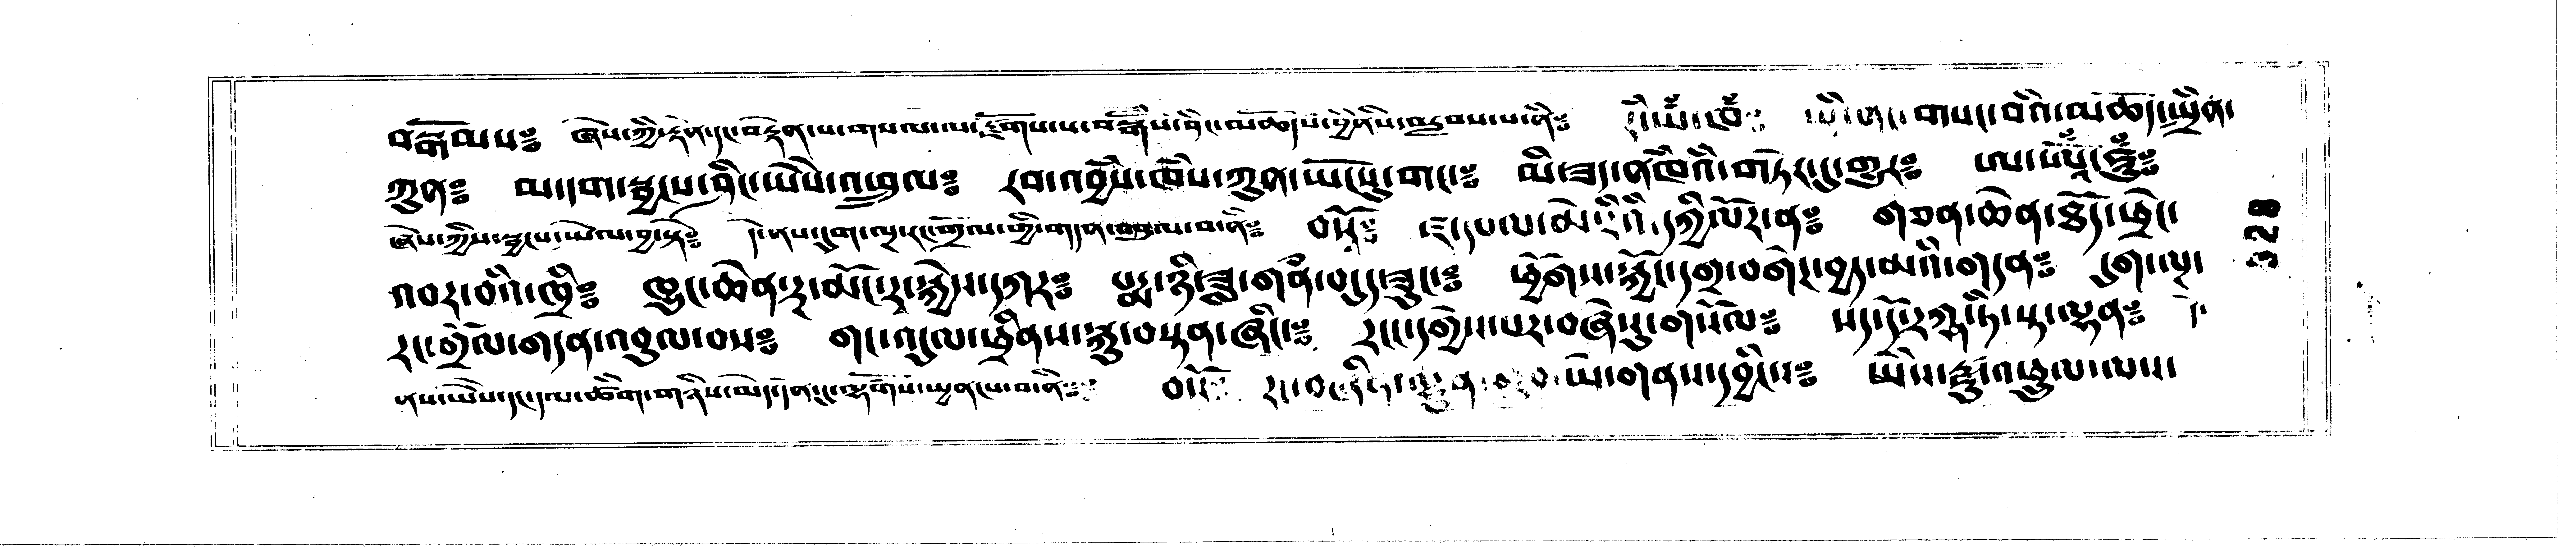བསྒོམས༔ ཞེས་ཀྱི་རྟེན་དང་བརྟེན་པ་གསལ་ལ་རྫོགས་པ་བསྒོམས་ཤིང་མཆོད་རྫས་བྱིན་གྱིས་བརླབས་པ་ནི༔ རྃ་ཡྃ་ཁྃ༔ ཕྱི་ནང་གསང་བའི་མཆོད་སྤྲིན་
ཀུན༔ མ་དག་སྦྱངས་ཤིང་ཡེ་ཤེས་འཕྲུལ༔ རབ་འབྱམས་ཁམས་ཀུན་ཡོངས་སུ་གང་༔ མི་ཟད་ནམ་མཁའི་གཏེར་དུ་གྱུར༔ ཨ་ཨཱོྃ་ཧཱུྃ༔ 
ཞེས་ཀྱིས་སྦྱངས་སྤེལ་བྱ་སྟེ༔ དེ་ནས་དུག་ལྔ་རང་གྲོལ་གྱི་གདན་འབུལ་བ་ནི༔ བསྭོ༔ ཛྭ་དབལ་མེ་རིའི་དཀྱིལ་འཁོར་ན༔ གཅན་ཆེན་ཐོད་ཕྲེང་
འབར་བའི་ཁྲི༔ ཁྱུང་ཆེན་རྔ་མོང་རྭ་སྐྱེས་དཀར༔ པདྨ་ཉི་ཟླ་གནམ་བདུད་ཟུང་༔ ཕྱོགས་སྐྱོང་དགྲ་བགེགས་བྱད་མའི་གདན༔ དུག་ལྔ་
རང་གྲོལ་གདན་འབུལ་བས༔ གང་འདུལ་ཕྲིན་ལས་སྐུ་བསྟན་ཞིང་༔ རང་རང་དགྱེས་པར་བཞེས་སུ་གསོལ༔ སད་དོ་རཀྴ་ཏི་སྟ་ལྷན༔ དེ་
ནས་ཡེ་ཤེས་དང་དམ་ཚིག་གཉིས་མེད་དོན་དུ་ལྷ་ཚོགས་སྤྱན་དྲངས་བ་ནི༔ བསྭོ༔ རང་བཞིན་ལྷུན་གྲུབ་ཡེ་གནས་དབྱིངས༔ ཡེ་ཤེས་རྫུ་འཕྲུལ་ལས་